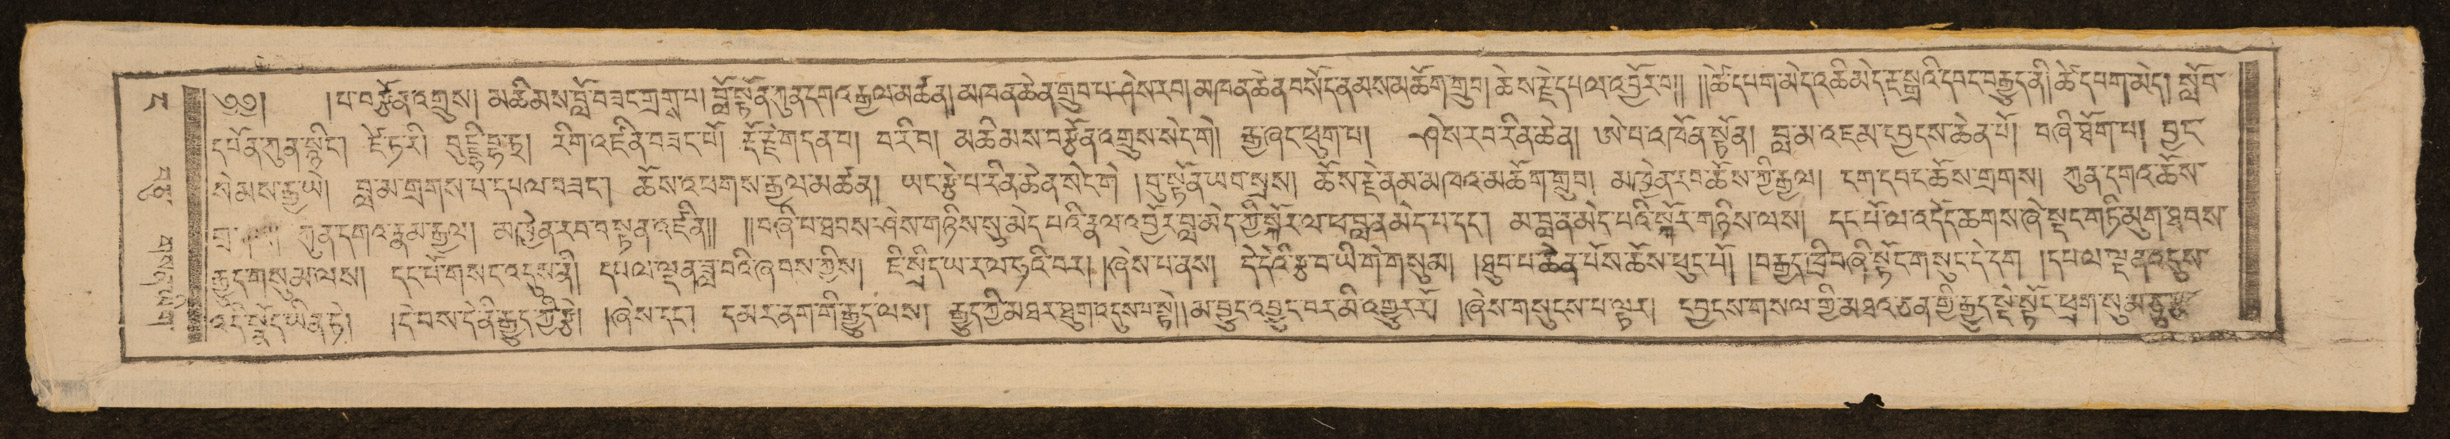༄༅། །པ་བརྩོན་འགྲུས། མཆིམས་བློ་བཟང་གྲགས་པ། བློ་སྟོན་ཀུན་དགའ་རྒྱལ་མཚན། མཁན་ཆེན་གྲུབ་པ་ཤེས་རབ། མཁན་ཆེན་བསོད་ནམས་མཆོག་གྲུབ། ཆེས་རྗེ་དཔལ་འབྱོར་བ།། །།ཚེ་དཔག་མེད་འཆི་མེད་རྔ་སྒྲའི་དབང་བརྒྱུད་ནི། ཚེ་དཔག་མེད། སློབ་
དཔོན་ཀུན་སྙིང་། ཛེ་ཏ་རི། བུདྡྷི་བྷ་ཏྲ། རིག་འཛིན་བཟང་པོ། རྡོ་རྗེ་གདན་པ། བ་རི་བ། མཆིམས་བརྩོན་འགྲུས་སེང་གེ། རྒྱ་ཞང་ཕུག་པ། ཤེས་རབ་རིན་ཆེན། ཨེ་པ་འཁོན་སྟོན། བླ་མ་འཇམ་དབྱངས་ཆེན་པོ། བཞི་ཐོག་པ། བྱང་
སེམས་རྒྱ་ཡེ། བླ་མ་གྲགས་པ་དཔལ་བཟང་། ཆོས་འཕགས་རྒྱལ་མཚན། ཡང་རྩེ་པ་རིན་ཆེན་སེང་གེ། །བུ་སྟོན་ཡབ་སྲས། ཆོས་རྗེ་ནམ་མཁའ་མཆོག་གྲུབ། མཁྱེན་རབ་ཆོས་ཀྱི་རྒྱལ། ངག་དབང་ཆོས་གྲགས། ཀུན་དགའ་ཆོས་
གྲགས། ཀུན་དགའ་རྣམ་རྒྱལ། མཁྱེན་རབ་བསྟན་འཛིན།། །།བཞི་པ་ཐབས་ཤེས་གཉིས་སུ་མེད་པའི་རྣལ་འབྱོར་བླ་མེད་ཀྱི་སྐོར་ལ་ཕ་བླ་ན་མེད་པ་དང་། མ་བླ་ན་མེད་པའི་སྐོར་གཉིས་ལས། དང་པོ་ལ་འདོད་ཆགས་ཞེ་སྡང་གཏི་མུག་ཐབས་
རྒྱུད་གསུམ་ལས། དང་པོ་གསང་འདུས་ནི། དཔལ་ལྡན་ཟླ་བའི་ཞབས་ཀྱིས། ཇི་སྲིད་ཡ་ར་ལ་ཧའི་བར། །ཞེས་པ་ནས། དེ་དེའི་རྩ་བ་ཡི་གེ་གསུམ། །ཐུབ་པ་ཆེན་པོས་ཆོས་ཕུང་པོ། །བརྒྱད་ཁྲི་བཞི་སྟོང་གསུང་དེ་དག །དཔལ་ལྡན་འདུས་
འདི་སྣོད་ཡིན་དེ། །དེ་བས་དེ་ནི་རྒྱུད་ཀྱི་རྩེ། །ཞེས་དང་། དམར་ནག་གི་རྒྱུད་ལས། རྒྱུད་ཀྱི་མཐར་ཐུག་འདུས་པ་སྟེ། །མ་བྱུང་འབྱུང་བར་མི་འགྱུར་རོ། །ཞེས་གསུངས་པ་ལྟར། དབྱངས་གསལ་གྱི་མཐའ་ཅན་གྱི་རྒྱུད་སྡེ་སྟོང་ཕྲག་སུམ་ཅུ་རྩ་